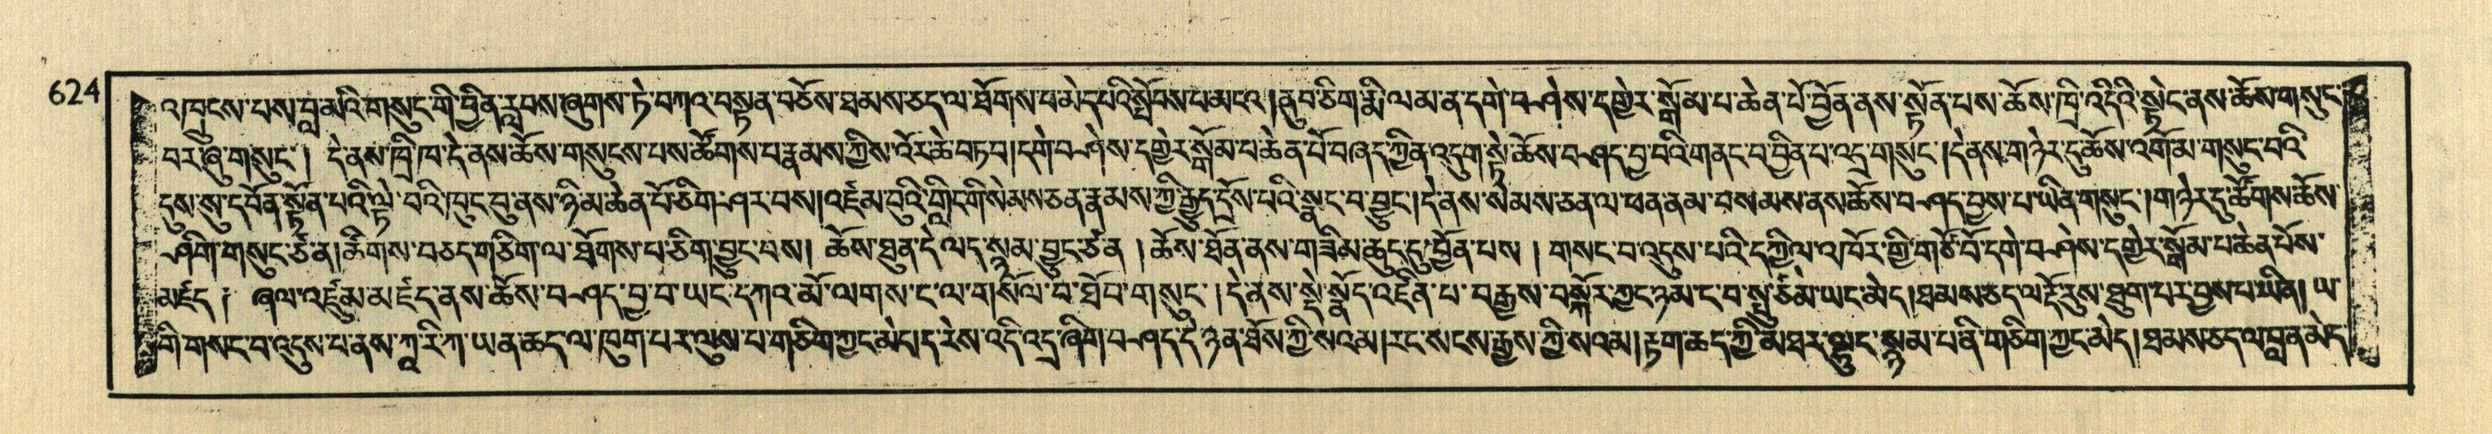འཁྲུངས་པས་བླ་མའི་གསུང་གི་བྱིན་རླབས་ཞུགས་ཏེ་བཀའ་བསྟན་བཅོས་ཐམས་ཅད་ལ་ཐོགས་པ་མེད་པའི་སྤོབས་པ་མངའ་།ནུབ་ཅིག་རྨི་ལམ་ན་དགེ་བཤེས་དགྱེར་སྒོམ་པ་ཆེན་པོ་བྱོན་ནས་སྟོན་པས་ཆོས་ཁྲི་འདིའི་སྟེང་ནས་ཆོས་གསུང་
བར་ཞུ་གསུང་། དེ་ནས་ཁྲི་ཁ་དེ་ནས་ཆོས་གསུངས་པས་ཚོགས་པ་རྣམས་ཀྱིས་འོར་ཆེ་བཏབ། དགེ་བཤེས་དགྱེར་སྒོམ་པ་ཆེན་པོ་བཞད་ཀྱིན་འདུག་སྟེ་ཆོས་བཤད་བྱ་བའི་གནང་བ་བྱིན་པ་འདྲ་གསུང་།དེ་ནས་གཉེར་དུ་ཆོས་འགོ་མ་གསུང་བའི་
དུས་སུ་དབོན་སྟོན་པའི་ལྟེ་བའི་ཁུང་བུ་ནས་ཉི་མ་ཆེན་པོ་ཅིག་ཤར་བས། འཛམ་བུའི་གླིང་གི་སེམས་ཅན་རྣམས་ཀྱི་རྒྱུད་དྲོས་པའི་སྣང་བ་བྱུང་། དེ་ནས་སེམས་ཅན་ལ་ཕན་ནམ་བསམས་ནས་ཆོས་བཤད་བྱས་པ་ཡིན་གསུང་། གཉེར་དུ་ཚོགས་ཆོས་
ཤིག་གསུང་ཙ་ན། ཚིགས་བཅད་གཅིག་ལ་ཐོགས་པ་ཅིག་བྱུང་བས། ཆོས་ཐུན་དེ་ལད་སྙམ་བྱུང་ཙ་ན། ཆོས་ཐོན་ནས་གཟིམ་ཆུང་དུ་བྱོན་པས། གསང་བ་འདུས་པའི་དཀྱིལ་འཁོར་གྱི་གཙོ་བོ་དགེ་བཤེས་དགྱེར་སྒོམ་པ་ཆེན་པོས་
མཛད༑ ཞལ་འཛུམ་མཛད་ནས་ཆོས་བཤད་བྱ་བ་ཡང་དཀའ་མོ་ལགས་ང་ལ་གསོལ་བ་ཐོབ་གསུང་།དེ་ནས་སྡེ་སྣོད་འཛིན་པ་བརྒྱས་བསྐོར་ཀྱང་ཉམ་ང་བ་སྤུ་ཙ་མེ་ཡང་མེད། ཐམས་ཅད་ལ་རྡོ་རུས་ཐུག་པར་བྱས་པ་ཡིན། ཡ་
གི་གསང་བ་འདུས་པ་ནས་ཀཱ་རི་ཀ་ཡན་ཆད་ལ་ཁུག་པར་ལུས་པ་གཅིག་ཀྱང་མེད། ད་རེས་འདི་འདྲ་ཞིག་བཤད་དེ་ཉན་ཐོས་ཀྱི་སའམ། རང་སངས་རྒྱས་ཀྱི་སའམ། རྟག་ཆད་ཀྱི་མཐར་ལྷུང་སྙམ་པ་ནི་གཅིག་ཀྱང་མེད། ཐམས་ཅད་ལ་བླ་ན་མེད་